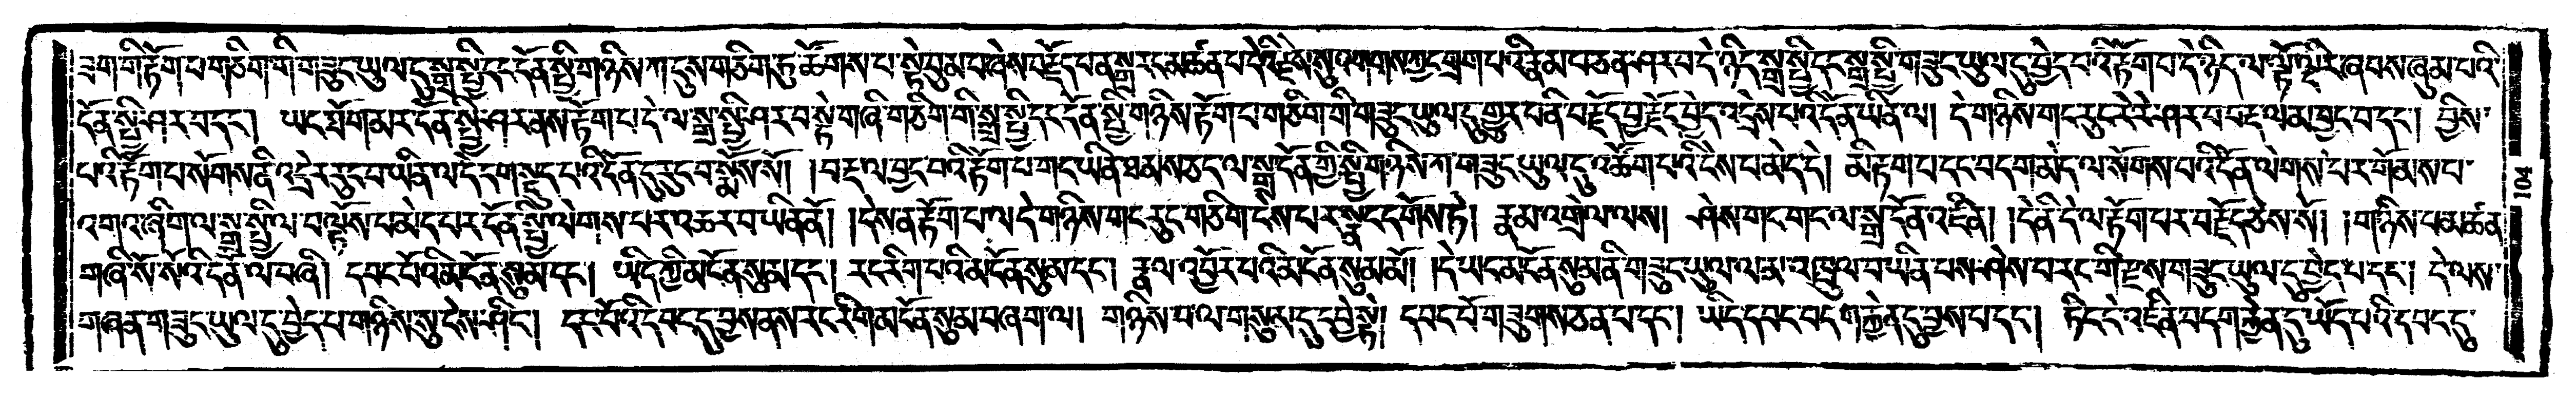ཟག་གི་རྟོག་པ་གཅིག་གི་གཟུང་ཡུལ་དུ་སྒྲ་སྤྱི་དང་དོན་སྤྱི་གཉིས་ཀ་དུས་གཅིག་ཏུ་ཚོགས་པ་སྟེ་བུམ་པ་ཞེས་བརྗོད་པ་ན་སྒྲ་རང་མཚན་པ་དེའི་རྗེས་སུ་འགགས་ཀྱང་གྲག་པའི་རྣམ་པ་ཅན་ཤར་བ་དེ་ཉིད་སྒྲ་སྤྱི་དང་སྒྲ་སྤྱི་གཟུང་ཡུལ་དུ་བྱེད་པའི་རྟོག་པ་དེ་ཉིད་ལ་ལྟོ་ལྡིར་ཞབས་ཞུམ་པའི་
དོན་སྤྱི་ཤར་བ་དང་། ཡང་ཐོག་མར་དོན་སྤྱི་ཤར་ནས་རྟོག་པ་དེ་ལ་སྒྲ་སྤྱི་ཤར་བ་སྟེ་གཞི་གཅིག་གི་སྒྲ་སྤྱི་དང་དོན་སྤྱི་གཉིས་རྟོག་པ་གཅིག་གི་གཟུང་ཡུལ་དུ་གྱུར་པ་ནི་བརྗོད་བྱ་རྗོད་བྱེད་འདྲེས་པའི་དོན་ཡིན་ལ། དེ་གཉིས་གང་རུང་རེ་རེ་ཤར་བ་བརྡ་ལམ་བྱང་བ་དང་། བྱིས་
པའི་རྟོག་པ་སོགས་ནི་འདྲེར་རུང་བ་ཡིན་ལ་དེ་དག་སྡུད་པའི་དོན་དུ་རུང་བ་སྨོས་སོ། །བརྡ་ལ་བྱང་བའི་རྟོག་པ་གང་ཡིན་ཐམས་ཅད་ལ་སྒྲ་དོན་གྱི་སྤྱི་གཉིས་ཀ་གཟུང་ཡུལ་དུ་འཚོག་པའི་ངེས་པ་མེད་དེ། མི་རྟག་པ་དང་བདག་མེད་ལ་སོགས་པའི་དོན་ལེགས་པར་གོམས་པ་
འགའ་ཞིག་ལ་སྒྲ་སྤྱི་ལ་བལྟོས་པ་མེད་པར་དོན་སྤྱི་ལེགས་པར་འཆར་བ་ཡིན་ནོ། །དེས་ན་རྟོག་པ་ལ་དེ་གཉིས་གང་རུང་གཅིག་ངེས་པར་སྣང་དགོས་ཏེ། རྣམ་འགྲེལ་ལས། ཤེས་གང་གང་ལ་སྒྲ་དོན་འཛིན། །དེ་ནི་དེ་ལ་རྟོག་པར་བརྗོད་ཅེས་སོ། །གཉིས་པ་མཚན་
གཞི་སོ་སོའི་དོན་ལ་བཞི། དབང་པོའི་མངོན་སུམ་དང་། ཡིད་ཀྱི་མངོན་སུམ་དང་། རང་རིག་པའི་མངོན་སུམ་དང་། རྣལ་འབྱོར་པའི་མངོན་སུམ་མོ། །དེ་ཡང་མངོན་སུམ་ནི་གཟུང་ཡུལ་ལ་མ་འཁྲུལ་བ་ཡིན་པས་ཤེས་པ་རང་གི་རྫས་གཟུང་ཡུལ་དུ་བྱེད་པ་དང་། དེ་ལས་
གཞན་གཟུང་ཡུལ་དུ་བྱེད་པ་གཉིས་སུ་ངེས་ཤིང་། དང་པོའི་དབང་དུ་བྱས་ནས་རང་རིག་མངོན་སུམ་བཞག་ལ། གཉིས་པ་ལ་གསུམ་དུ་དབྱེ་སྟེ། དབང་པོ་གཟུགས་ཅན་པ་དང་། ཡིད་དབང་བདག་རྐྱེན་དུ་བྱས་པ་དང་། ཏིང་ངེ་འཛིན་བདག་རྐྱེན་དུ་ཡོད་པའི་དབང་དུ་